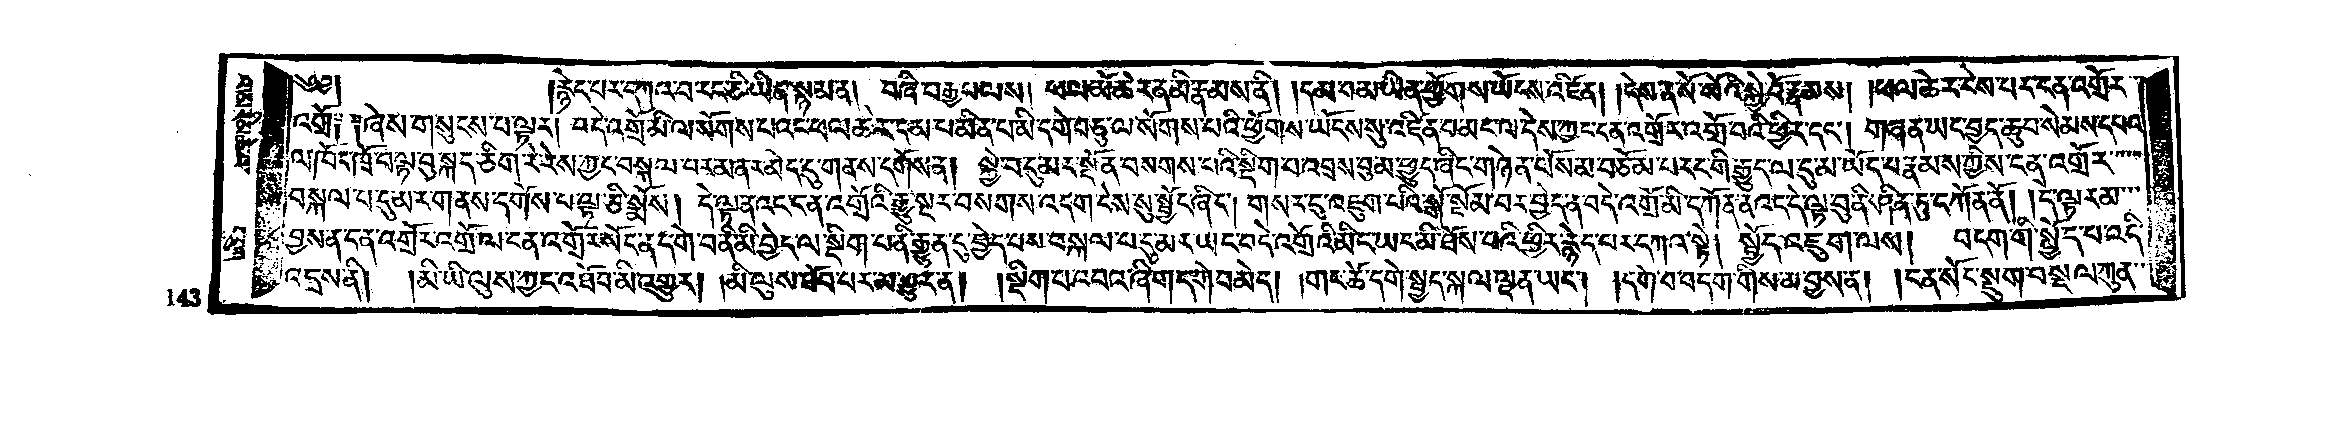༄༅། །རྙེད་པར་དཀའ་བ་རང་ཅི་ཡིན་སྙམ་ན། བཞི་བརྒྱ་པ་ལས། ཕལ་མོ་ཆེར་ན་མི་རྣམས་ནི། །དམ་པ་མ་ཡིན་ཕྱོགས་ཡོངས་འཛིན། །དེས་ན་སོ་སོའི་སྐྱེ་བོ་རྣམས། །ཕལ་ཆེར་ངེས་པར་ངན་འགྲོར་
འགྲོ༑ ༑ཞེས་གསུངས་པ་ལྟར། བདེ་འགྲོ་མི་ལ་སོགས་པའང་ཕལ་ཆེར་དམ་པ་མིན་པ་མི་དགེ་བཅུ་ལ་སོགས་པའི་ཕྱོགས་ཡོངས་སུ་འཛིན་པ་མང་ལ་དེས་ཀྱང་ངན་འགྲོར་འགྲོ་བའི་ཕྱིར་དང་། གཞན་ཡང་བྱང་ཆུབ་སེམས་དཔའ་
ལ་ཁོང་ཁྲོ་བ་ལྟ་བུ་སྐད་ཅིག་རེ་རེས་ཀྱང་བསྐལ་པར་མནར་མེད་དུ་གནས་དགོས་ན། སྐྱེ་བ་དུ་མར་སྔོན་བསགས་པའི་སྡིག་པ་འབྲས་བུ་མ་ཕྱུང་ཞིང་གཉེན་པོས་མ་བཅོམ་པ་རང་གི་རྒྱུད་ལ་དུ་མ་ཡོད་པ་རྣམས་ཀྱིས་ངན་འགྲོར་
བསྐལ་པ་དུ་མར་གནས་དགོས་པ་ལྟ་ཅི་སྨོས། དེ་ལྟ་ནའང་ངན་འགྲོའི་རྒྱུ་སྔར་བསགས་འདག་ངེས་སུ་སྦྱོང་ཞིང་། གསར་དུ་འཇུག་པའི་སྒོ་སྡོམ་པར་བྱེད་ན་བདེ་འགྲོ་མི་དཀོན་ནའང་དེ་ལྟ་བུ་ནི་ཤིན་ཏུ་དཀོན་ནོ། །དེ་ལྟར་མ་
བྱས་ན་ངན་འགྲོར་འགྲོ་ལ་ངན་འགྲོར་སོང་ན་དགེ་བ་ནི་མི་བྱེད་ལ་སྡིག་པ་ནི་རྒྱུན་དུ་བྱེད་པས་བསྐལ་པ་དུ་མར་ཡང་བདེ་འགྲོའི་མིང་ཡང་མི་ཐོས་པའི་ཕྱིར་རྙེད་པར་དཀའ་སྟེ། སྤྱོད་འཇུག་ལས། བདག་གི་སྤྱོད་པ་འདི་
འདྲས་ནི། །མི་ཡི་ལུས་ཀྱང་འཐོབ་མི་འགྱུར། །མི་ལུས་ཐོབ་པར་མ་གྱུར་ན། །སྡིག་པ་འབའ་ཞིག་དགེ་བ་མེད། །གང་ཚེ་དགེ་སྤྱད་སྐལ་ལྡན་ཡང་། །དགེ་བ་བདག་གིས་མ་བྱས་ན། །ངན་སོང་སྡུག་བསྔལ་ཀུན་